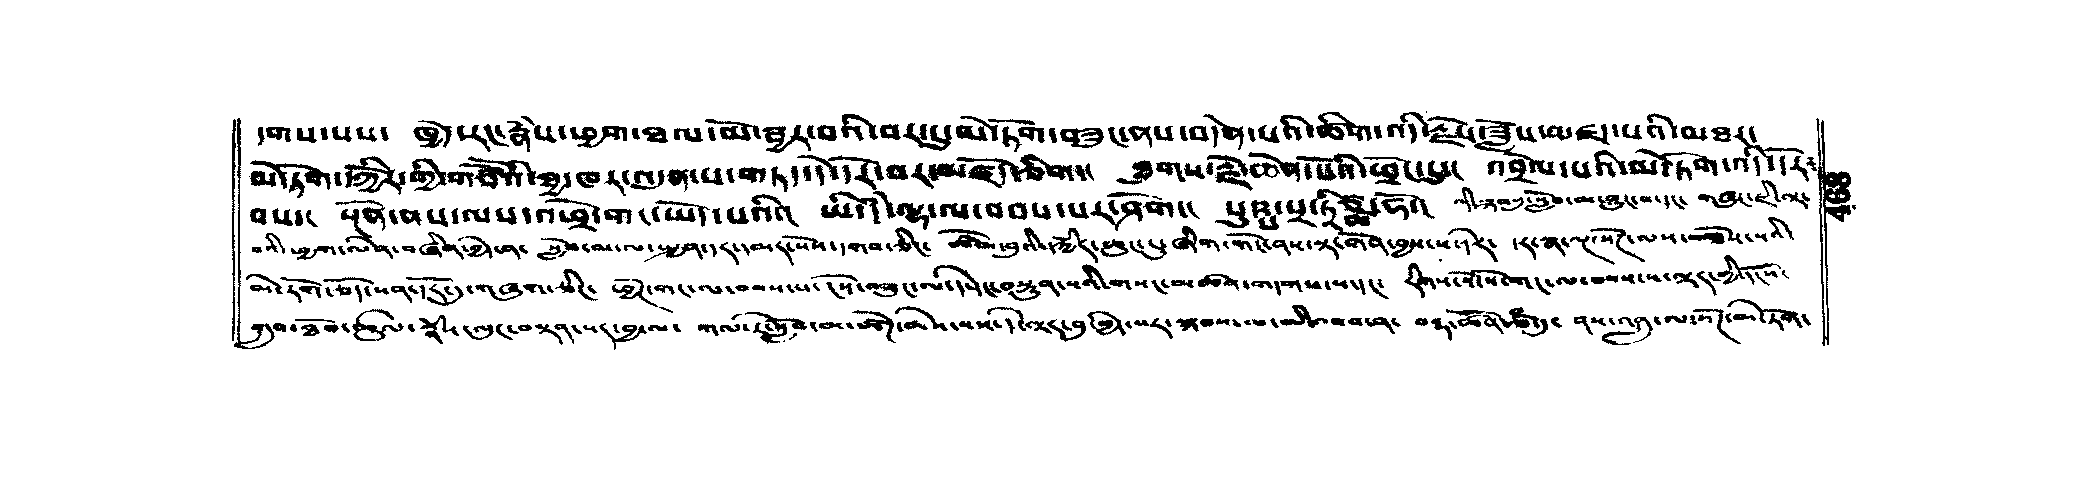དགོས་པས། ཁྱོད་རང་རྣམས་ཐལ་མོ་སྦྱར་བའི་བར་དུ་མེ་ཏོག་བཟུང་ནས་བདེན་པའི་ཚིག་འདི་རྗེས་ཟློས་མཛད་པའི་མཐར། 
མེ་ཏོག་དཀྱིལ་འཁོར་གྱི་གཙོ་བོའི་ཐུགས་ཁར་འདུན་པ་གཏད་དེ་དོར་བར་མཛོད་ཅིག་ཐུགས་རྗེ་ཆེན་པོའི་ཕོ་བྲང་དུ། འབྲེལ་བའི་མེ་ཏོག་འདི་དོར་
བས། སྔོན་ནས་ལས་འཕྲོ་གང་ཡོད་པའི། །ཡི་དམ་ལྷ་ལ་བབས་པར་ཤོག་པུཥྤ་པྲཏཱིཙྪ་ཧོ། འདི་སྐབས་སློབ་མ་ཉུང་བ་དང་། གཞུང་་ཇི་ལྟ་
བའི་ཕྱག་ལེན་བཞིན་བྱེད་ན། སློབ་མ་ལ་སྤྱན་དར་དམར་པོས་དགབ་ཅིང་། ཚོམ་བུའི་དཀྱིལ་འཁོར་ཆུང་ངུ་ཞིག་གོང་ནས་སྟ་གོན་བྱས་པ་དེར། དར་སྣ་ལྔ་སོགས་ལས་བཟོས་པའི་
མེ་ཏོག་ཅོད་པན་དོར་དུ་གཞུག་ཅིང་། ཕྱོགས་གང་ལ་བབས་པ་ངོས་བཟུང་ལ་དེ་དང་བསྟུན་པའི་གསང་མཚན་གདགས་པ་དང་། རིགས་སོ་སོ་གང་ལ་བབས་པ་ལྟར་གྱི་དངོས་
གྲུབ་ཚུལ་རྣམས་ལུང་བསྟན་པར་བྱ་ལ། གལ་ཏེ་སློབ་མ་ཚོགས་ཆེས་པས་དེ་ལྟ་བུ་བྱེད་པར་སྐབས་ལ་མི་འབབ་ན། བརྡ་མཚོན་ཙམ་དུ། ནས་གྲུ་ལ་སོགས་མེ་ཏོག་